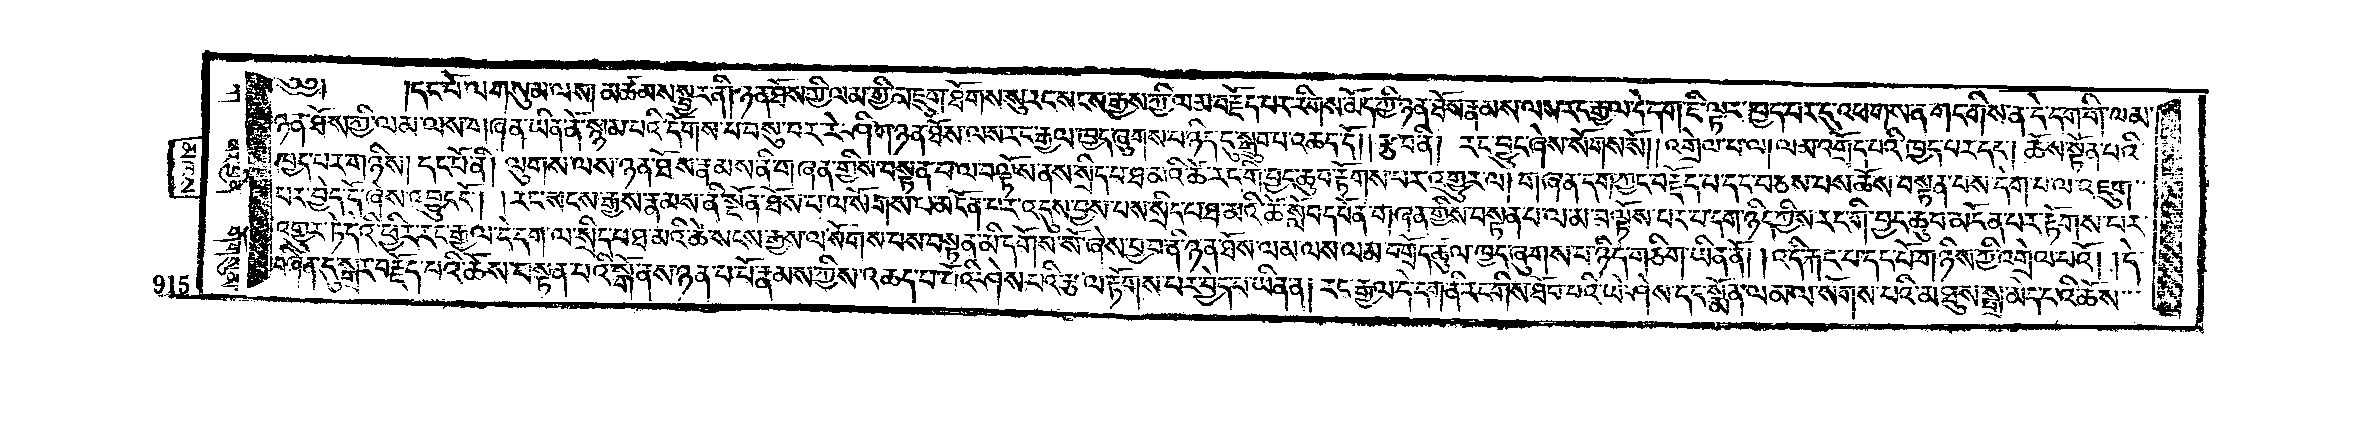༄༅། །དང་པོ་ལ་གསུམ་ལས། མཚམས་སྦྱར་ནི། ཉན་ཐོས་ཀྱི་ལམ་གྱི་མཇུག་ཐོགས་སུ་རང་སངས་རྒྱས་ཀྱི་ལམ་བརྗོད་པར་རིགས་མོད་ཀྱི་ཉན་ཐོས་རྣམས་ལས་རང་རྒྱལ་དེ་དག་ཇི་ལྟར་ཁྱད་པར་དུ་འཕགས་ན་གང་གིས་ན་དེ་དག་གི་ལམ་
ཉན་ཐོས་ཀྱི་ལམ་ལས་གཞན་ཡིན་ནོ་སྙམ་པའི་དོགས་པ་བསུ་བར་རེ་ཤིག་ཉན་ཐོས་ལས་རང་རྒྱལ་ཁྱད་ཞུགས་པ་ཉིད་དུ་སྒྲུབ་པ་འཆད་དོ། །རྩ་བ་ནི། རང་བྱུང་ཞེས་སོགས་སོ། །འགྲེལ་བ་ལ། ལམ་བགྲོད་པའི་ཁྱད་པར་དང་། ཆོས་སྟོན་པའི་
ཁྱད་པར་གཉིས། དང་པོ་ནི། ལུགས་ལས་ཉན་ཐོས་རྣམས་ནི་གཞན་གྱིས་བསྟན་པ་ལ་བལྟོས་ནས་སྲིད་པ་ཐ་མའི་ཚེ་རང་གི་བྱང་ཆུབ་རྟོགས་པར་འགྱུར་ལ། གཞན་དག་ཀྱང་བརྗོད་པ་དང་བཅས་པས་ཆོས་བསྟན་པས་དེ་དག་པ་ལ་འཇུག་
པར་བྱེད་དོ་ཞེས་འབྱུང་ངོ། །རང་སངས་རྒྱས་རྣམས་ནི་སྔོན་ཐོས་པ་ལ་སོགས་པ་མངོན་པར་འདུས་བྱས་པས་སྲིད་པ་ཐ་མའི་ཚེ་སློབ་དཔོན་གཞན་གྱིས་བསྟན་པ་ལ་མ་བལྟོས་པར་བདག་ཉིད་ཀྱིས་རང་གི་བྱང་ཆུབ་མངོན་པར་རྟོགས་པར་
འགྱུར་ཏེ་དེའི་ཕྱིར་རང་རྒྱལ་དེ་དག་ལ་སྲིད་པ་ཐ་མའི་ཚེ་སངས་རྒྱས་ལ་སོགས་པས་བསྟན་མི་དགོས་སོ་ཞེས་བྱ་བ་ནི་ཉན་ཐོས་ལམ་ལས་ལམ་བགྲོད་ཚུལ་ཁྱད་ཞུགས་པ་ཉིད་གཅིག་ཡིན་ནོ། །འདི་རྐང་པ་དང་པོ་གཉིས་ཀྱི་འགྲེལ་བའོ། །དེ་
བཞིན་དུ་སྒྲར་བརྗོད་པའི་ཆོས་བསྟན་པའི་སྒོ་ནས་ཉན་པ་པོ་རྣམས་ཀྱིས་འཆད་པ་པོའི་ཤེས་པའི་རྩ་ལ་རྟོགས་པར་བྱེད་པ་ཡིན་ན། རང་རྒྱལ་དེ་དག་ནི་རང་གིས་ཐོབ་པའི་ཡེ་ཤེས་དང་སྨོན་ལམ་ལ་སོགས་པའི་མཐུས་སྒྲ་མེད་པའི་ཆོས་